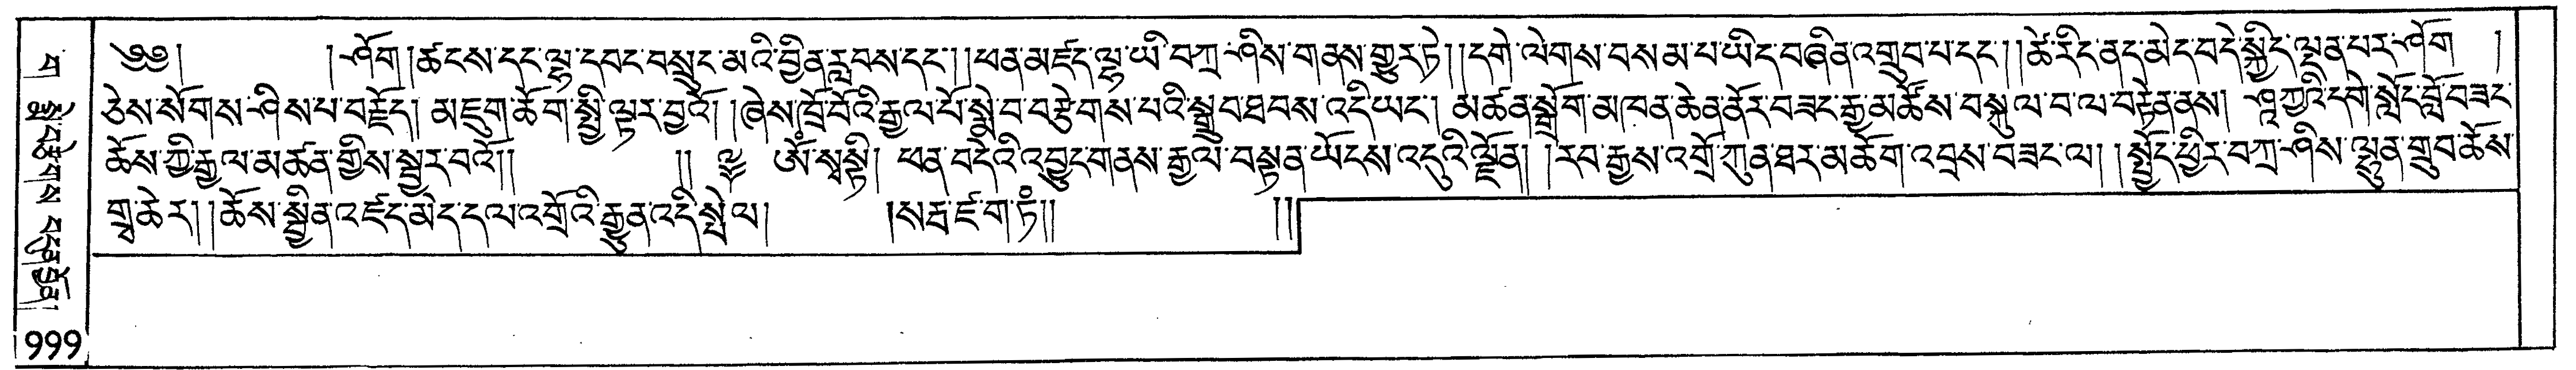༄༅། །ཤོག །ཚངས་དང་ལྷ་དབང་བསྲུང་མའི་བྱིན་རླབས་དང་། །ཕན་མཛད་ལྷ་ཡི་བཀྲ་ཤིས་གནས་གྱུར་ཏེ། །དགེ་ལེགས་བསམ་པ་ཡིད་བཞིན་འགྲུབ་པ་དང་། །ཚེ་རིང་ནད་མེད་བདེ་སྐྱིད་ལྡན་པར་ཤོག །
ཅེས་སོགས་ཤིས་པ་བརྗོད། མཇུག་ཆོག་སྤྱི་ལྟར་བྱའོ། །ཞེས་ཁྲོ་བོའི་རྒྱལ་པོ་སྨེ་བ་བརྩེགས་པའི་སྒྲུབ་ཐབས་འདི་ཡང་། མཚན་སྒྲོག་མཁན་ཆེན་ནོར་བཟང་རྒྱ་མཚོས་བསྐུལ་བ་ལ་བརྟེན་ནས། ཤཱཀྱའི་དགེ་སློང་བློ་བཟང་
ཆོས་ཀྱི་རྒྱལ་མཚན་གྱིས་སྦྱར་བའོ།། །། ༈ ཨོཾ་སྭ་སྟི། ཕན་བདེའི་འབྱུང་གནས་རྒྱལ་བསྟན་ཡོངས་འདུའི་ལྗོན། །རབ་རྒྱས་འགྲོ་ཀུན་ཐར་མཆོག་འབྲས་བཟང་ལ། །སྤྱོད་ཕྱིར་བཀྲ་ཤིས་ལྷུན་གྲུབ་ཆོས་
གྲྭ་ཆེར། །ཆོས་སྦྱིན་འཛད་མེད་དལ་འགྲོའི་རྒྱུན་འདི་སྤེལ། །སརྦ་ཛ་ག་ཏཾ།། །།